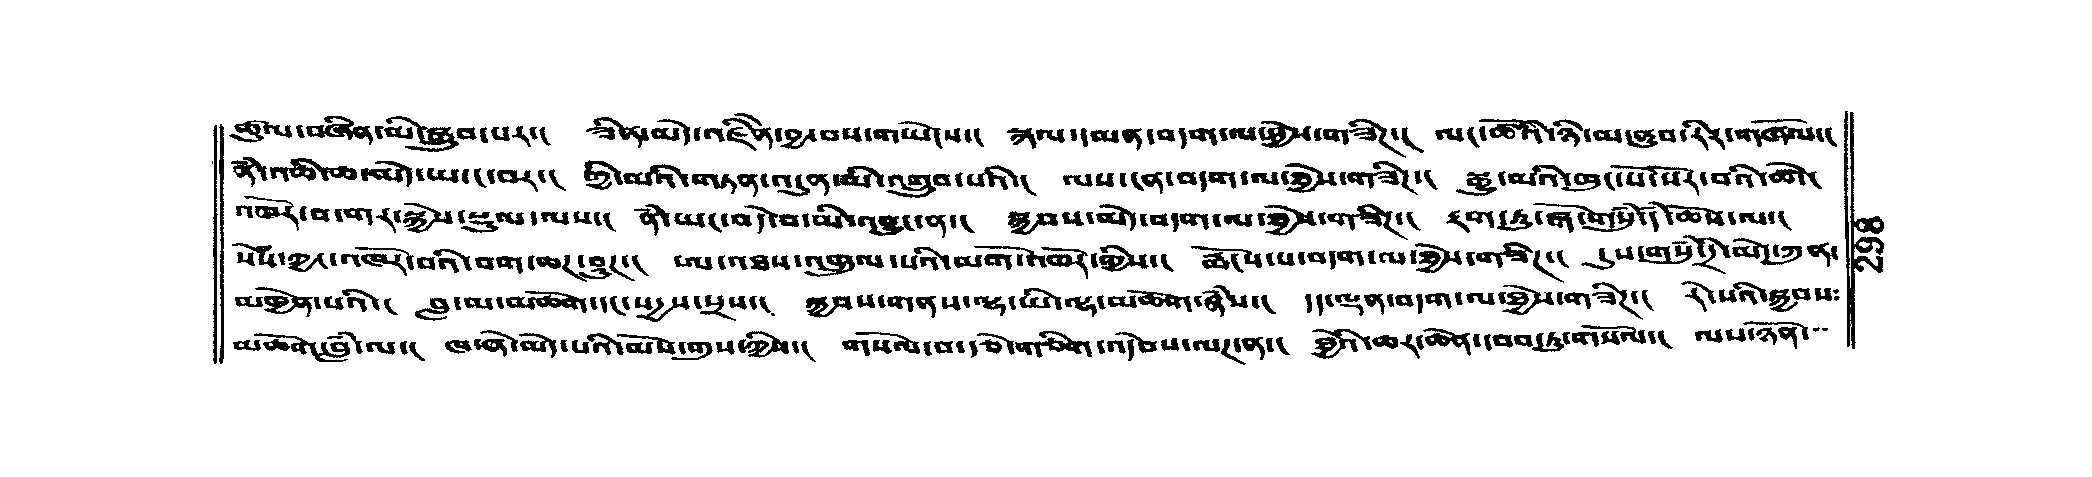ཚུལ་བཞིན་མི་སྒྲུབ་པར། །ཟིན་མེད་འཇིག་རྟེན་བྱ་བས་གཡེངས། །སྐལ་དམན་བདག་ལ་ཐུགས་རྗེས་གཟིགས། །ལང་ཚོའི་ཉི་མ་ནུབ་རིར་གཞོལ། །
ནམ་འཆི་ཆ་མེད་ཡ་ང་བར། །ཕྱི་མའི་གཏན་འདུན་མི་འགྲུབ་པའི། །ལས་ངན་བདག་ལ་ཐུགས་རྗེས་གཟིགས། །སྒྱུ་མའི་ཕུང་པོ་བོར་བའི་ཚེ། །
འཁོར་བ་གར་སྐྱེས་སྡུག་བསྔལ་ལས། །ནམ་ཡང་བདེ་བ་མི་འབྱུང་ན། །སྐྱབས་མེད་བདག་ལ་ཐུགས་རྗེས་གཟིགས། །རྟག་ཏུ་སྒོ་གསུམ་དམ་ཆོས་ལ། །
སེམས་ཀྱང་འཁོར་བའི་བག་ཆགས་ཤུགས། །ཨ་འཐས་འཁྲུལ་པའི་མགོ་འཁོར་གྱིས། །རྨོངས་པ་བདག་ལ་ཐུགས་རྗེས་གཟིགས། །དུས་གསུམ་དྲི་མེད་ཀུན་
མཁྱེན་པའི། །བླ་མ་མཆོག་དང་སངས་རྒྱས་སྲས། །སྐྱབས་གནས་ལྷ་ཡི་ལྷ་མཆོག་རྣམས། །དད་ལྡན་བདག་ལ་ཐུགས་རྗེས་གཟིགས། །རེ་སའི་སྐྱབས་
མཆོག་བླ་མ་ལ། །ཁ་ཞེ་མེད་པའི་མོས་གུས་ཀྱིས། །གསོལ་བ་རྩ་གཅིག་འདེབས་ལགས་ན། །ཐུགས་རྗེའི་ཆར་ཆེན་དབབ་ཏུ་གསོལ། །ལས་ཉོན་